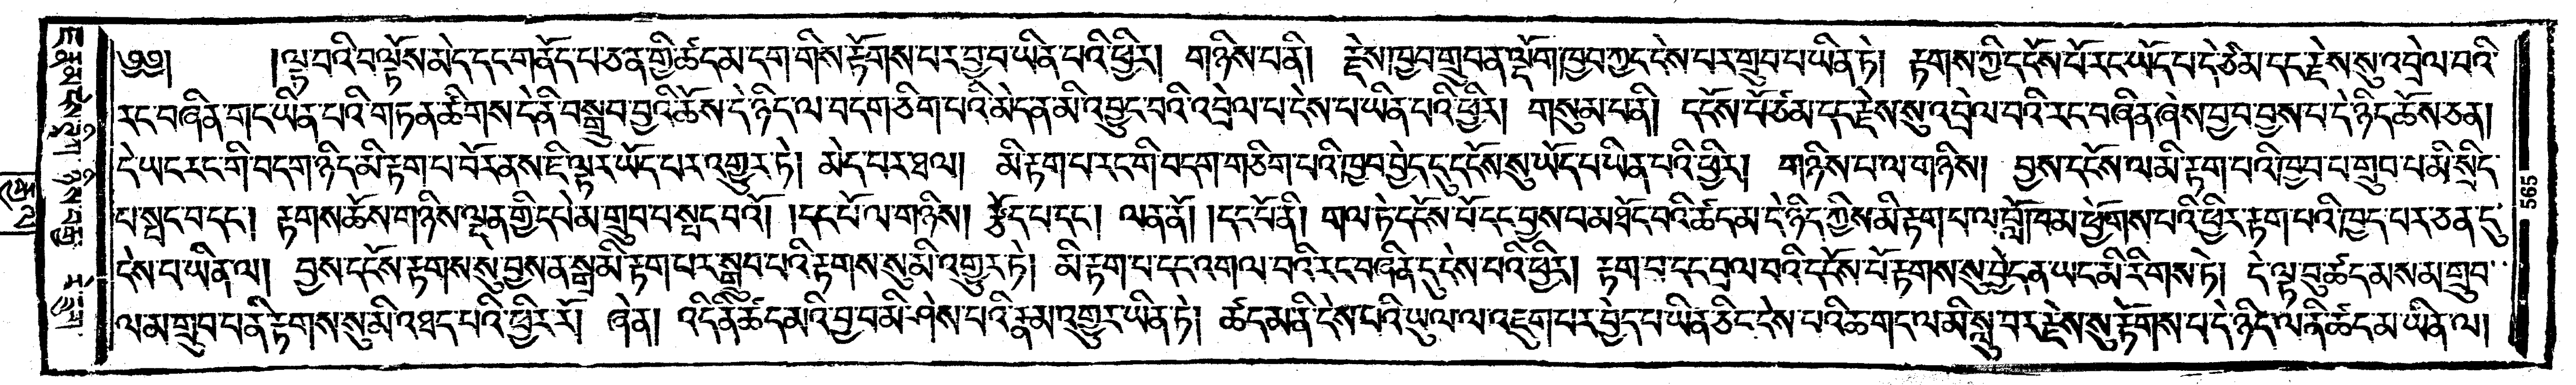༄༅། །ལྟ་བའི་བལྟོས་མེད་དང་གནོད་པ་ཅན་གྱི་ཚད་མ་དག་གིས་རྟོགས་པར་བྱ་བ་ཡིན་པའི་ཕྱིར། གཉིས་པ་ནི། རྗེས་ཁྱབ་གྲུབ་ན་ལྡོག་ཁྱབ་ཀྱང་ངེས་པར་གྲུབ་པ་ཡིན་ཏེ། རྟགས་ཀྱི་དངོས་པོ་རང་ཡོད་པ་དེ་ཙམ་དང་རྗེས་སུ་འབྲེལ་བའི་
རང་བཞིན་གང་ཡིན་པའི་གཏན་ཚིགས་དེ་ནི་བསྒྲུབ་བྱའི་ཆོས་དེ་ཉིད་ལ་བདག་ཅིག་པའི་མེད་ན་མི་འབྱུང་བའི་འབྲེལ་པ་ངེས་པ་ཡིན་པའི་ཕྱིར། གསུམ་པ་ནི། དངོས་པོ་ཙམ་དང་རྗེས་སུ་འབྲེལ་བའི་རང་བཞིན་ཞེས་བྱ་བ་བྱས་པ་དེ་ཉིད་ཆོས་ཅན།
དེ་ཡང་རང་གི་བདག་ཉིད་མི་རྟག་པ་བོར་ནས་ཇི་ལྟར་ཡོད་པར་འགྱུར་ཏེ། མེད་པར་ཐལ། མི་རྟག་པ་རང་གི་བདག་གཅིག་པའི་ཁྱབ་བྱེད་དུ་དངོས་སུ་ཡོད་པ་ཡིན་པའི་ཕྱིར། གཉིས་པ་ལ་གཉིས། བྱས་དངོས་ལ་མི་རྟག་པའི་ཁྱབ་པ་གྲུབ་པ་མི་སྲིད་
པ་སྤང་བ་དང་། རྟགས་ཆོས་གཉིས་ལྡན་གྱི་དཔེ་མ་གྲུབ་པ་སྤང་བའོ། །དང་པོ་ལ་གཉིས། རྩོད་པ་དང་། ལན་ནོ། །དང་པོ་ནི། གལ་ཏེ་དངོས་པོ་དང་བྱས་པ་མཐོང་བའི་ཚད་མ་དེ་ཉིད་ཀྱིས་མི་རྟག་པ་ལ་བློ་ཁམ་ཕྱོགས་པའི་ཕྱིར་རྟག་པའི་ཁྱད་པར་ཅན་དུ་
ངེས་པ་ཡིན་ལ། བྱས་དངོས་རྟགས་སུ་བྱས་ན་སྒྲ་མི་རྟག་པར་སྒྲུབ་པའི་རྟགས་སུ་མི་འགྱུར་ཏེ། མི་རྟག་པ་དང་འགལ་བའི་རང་བཞིན་དུ་ངེས་པའི་ཕྱིར། རྟག་པ་དང་བྲལ་བའི་དངོས་པོ་རྟགས་སུ་བྱེད་ན་ཡང་མི་རིགས་ཏེ། དེ་ལྟ་བུ་ཚད་མས་མ་གྲུབ་
ལ་མ་གྲུབ་པ་ནི་རྟགས་སུ་མི་འཐད་པའི་ཕྱིར་རོ། ཞེ་ན། འདི་ནི་ཚད་མའི་བྱ་བ་མི་ཤེས་པའི་རྣམ་འགྱུར་ཡིན་ཏེ། ཚད་མ་ནི་ངེས་པའི་ཡུལ་ལ་འཇུག་པར་བྱེད་པ་ཡིན་ཅིང་ངེས་པའི་ཆ་གང་ལ་མི་སླུ་བར་རྗེས་སུ་རྟོགས་པ་དེ་ཉིད་ལ་ནི་ཚད་མ་ཡིན་ལ།